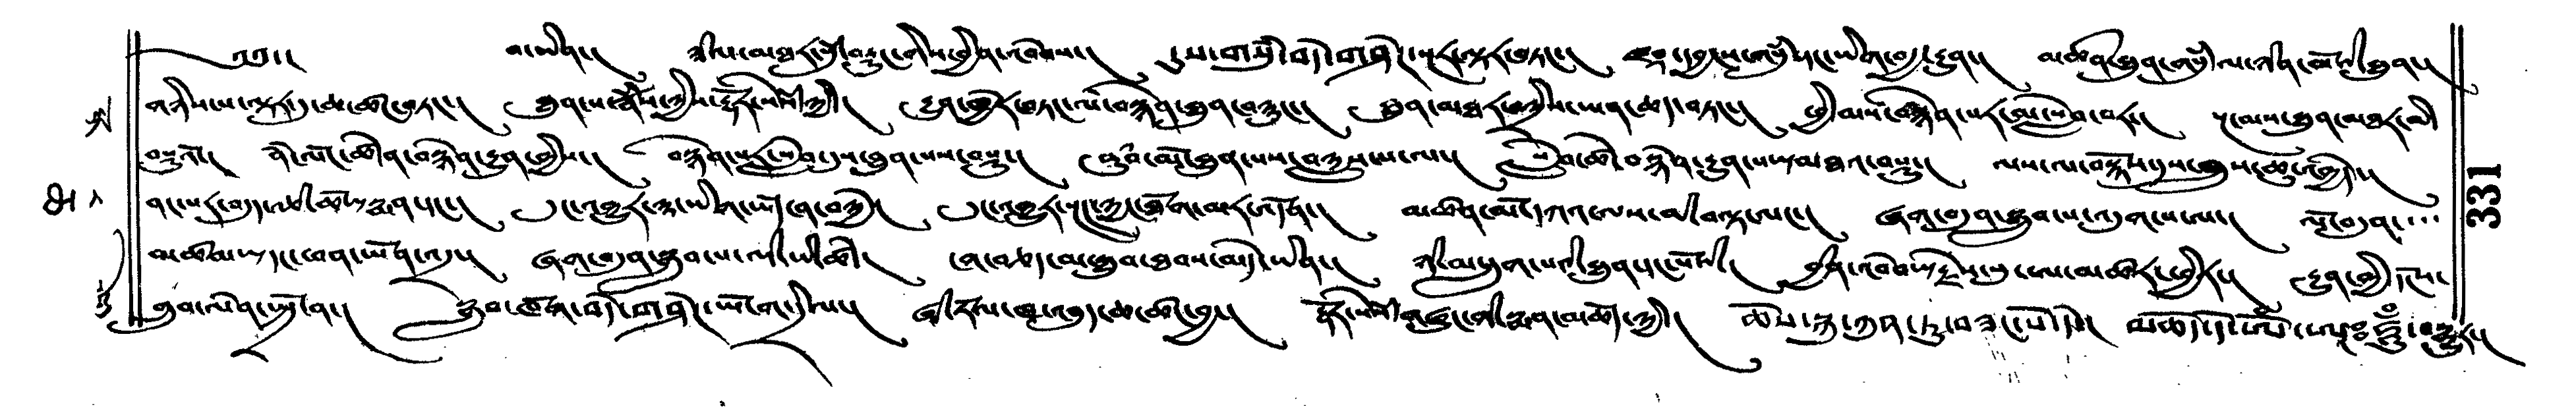བ་ཡིན། །ཟིལ་མཐར་སུམ་རྡུང་གིས་བྱིན་འབེབས། །དུས་གསུམ་བདེ་གཤེགས༴ སྔར་ལྟར་བཏང་། །འཛབ་དབྱངས་གསུམ་དང་ཡིག་བརྒྱའི་རྒྱུན། །མཚན་ཐུན་གསུམ་ལ་ཉིན་མོའི་ཐུན། །
གཉིས་པ་ལྟར་དུ་ཆ་ཚང་བཏང་། །ཐུན་པ་རྣམས་ཀྱིས་རྡོར་སེམས་ཀྱི། །རྒྱུན་ཁྱེར་བཏང་ལ་བསྙེན་ཐུན་བཟུང་། །ཐུན་མཐར་བཀྲ་ཤིས་ཡན་ཆད་བཏང་། །ཕྱི་མས་བསྙེན་པར་མ་སླེབས་བར། །སྔ་མས་ཐུན་མཐའ་མི་
བསྡུའོ། །ནམ་ལང་ཚེ་ན་བསྙེན་རྒྱུན་གྱིས། །བསྙེན་པར་སླེབས་དུས་ཐུན་པས་བསྡུ། །ནུབ་མོ་ཐུན་པས་བཟླས་པ་ལ། །སླེབ་ཚེ་བསྙེན་རྒྱུན་པས་མཐའ་བསྡུ། །ལས་ལ་བསྐོ་དུས་ཁྲུས་ཆུ་འགྱེད། །
ནང་པར་བདུད་རྩི་ཆོས་སྨན་དང་། །དུང་འགྱུར་ཟ་ཡིག་ཡོད་ན་བཀྱེ། །དུང་འགྱུར་སྔགས་ཀྱང་ཐོག་མར་འདོན། །མཚན་མོ་དཀའ་ལས་མི་བལྟ་ལང་། །ཞག་བདུན་སྒྲུབ་པ་འདུག་པ་ལ། །ལོ་བདུན་
མཚམས་དང་ཕན་ཡོན་འདྲ། །ཞག་བདུན་སྒྲུབ་པ་འདི་ཡི་ཚེ། །ངག་བཅད་མ་ཐུབ་ཐབས་མེད་ཡིན། །ཉི་མ་དྲུག་པའི་ཐུན་དང་པོའི། །བྱིན་འབེབས་རྗེས་སུ་ཨ་མཚར་ཕྱིར། །རྒྱུན་གྱི་དངོས་
གྲུབ་ལེན་སྤྲོ་ན།སྒྲུབ་ཁོག་བདེ་གཤེགས༴ ཡོ་ག་དྲིལ། །ཞི་རོལ་ཁ་འབུད་ཆ་ཚང་བྱ། །རྡོར་སེམས་གཞུང་གི་སྨན་མཆོད་ཀྱི། །ཆོས་སྐུ་ཀུན་ཏུ་བཟང་པོ་དེ། །མཆོད་དོ་ཨོཾ་ཨཱཿཧཱུྃ་བསྐྱུར།